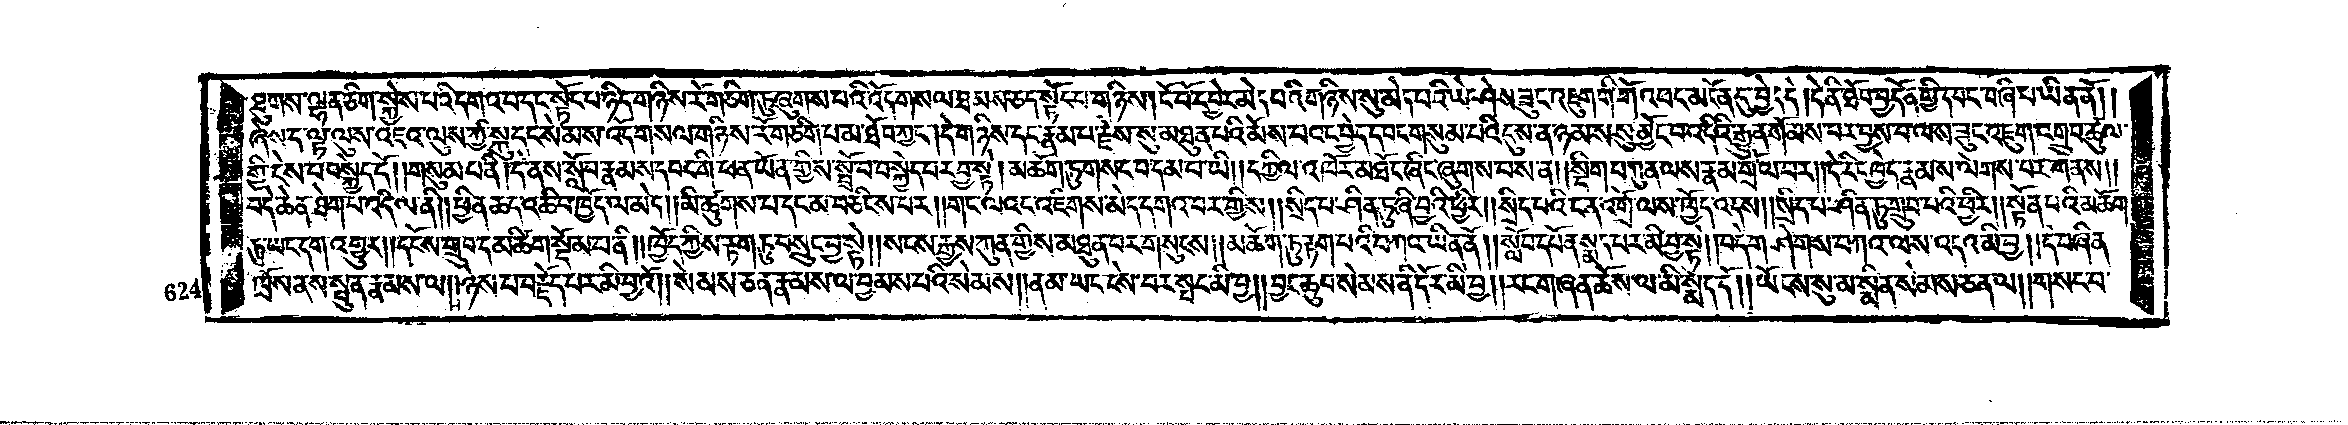ཐུགས་ལྷན་ཅིག་སྐྱེས་པའི་དགའ་བ་དང་སྟོང་པ་ཉིད་གཉིས་རོ་གཅིག་ཏུ་ཞུགས་པའི་འོད་གསལ་ཐམས་ཅད་སྟོང་པ་གཉིས། ངོ་བོ་དབྱེར་མེད་པའི་གཉིས་སུ་མེད་པའི་ཡེ་ཤེས་ཟུང་འཇུག་གི་གོ་འཕང་མངོན་དུ་བྱེད་དེ། དེ་ནི་ཐོབ་བྱ་དོན་གྱི་དབང་བཞི་པ་ཡིན་ནོ། །
ཞེས་ད་ལྟ་ལུས་འཇའ་ལུས་ཀྱི་སྐུ་དང་སེམས་འོད་གསལ་གཉིས་རོ་གཅིག་པ་མ་ཐོབ་ཀྱང་། དེ་གཉིས་དང་རྣམ་པ་རྗེས་སུ་མཐུན་པའི་མོས་པའང་བྱེད་དབང་གསུམ་པའི་དུས་ན་ཉམས་སུ་མྱོང་བ་འདིའི་རྒྱུན་གོམས་པར་བྱས་པ་ལས་ཟུང་འཇུག་འགྲུབ་ཚུལ་
གྱི་ངེས་པ་བསྐྱེད་དོ། །གསུམ་པ་ནི། དེ་ནས་སློབ་རྣམས་དབང་གི་ཕན་ཡོན་གྱིས་སྤྲོ་བ་བསྐྱེད་པར་བྱ་སྟེ། མཆོག་ཏུ་གསང་བ་དམ་པ་ཡི། །དཀྱིལ་འཁོར་མཐོང་ཞིང་ཞུགས་པས་ན། །སྡིག་པ་ཀུན་ལས་རྣམ་གྲོལ་བར། །དེ་རིང་ཁྱེད་རྣམས་ལེགས་པར་གནས། །
བདེ་ཆེན་ཐེག་པ་འདི་ལ་ནི། །ཕྱིན་ཆད་འཆི་བ་ཁྱོད་ལ་མེད། །མི་ཚུགས་པ་དང་མ་བཅིངས་པར། །གང་ལའང་འཇིགས་མེད་དགའ་བར་གྱིས། །སྲིད་པ་ཤིན་ཏུ་ཞི་བྱའི་ཕྱིར། །སྲིད་པའི་ངན་འགྲོ་ལས་ཁྱོད་འདས། །སྲིད་པ་ཤིན་ཏུ་གྲུབ་པའི་ཕྱིར། །སྟོན་པའི་མཆོག་
ཏུ་ཡང་དག་འགྱུར། །དངོས་གྲུབ་དམ་ཚིག་སྡོམ་པ་ནི། །ཁྱོད་ཀྱིས་རྟག་ཏུ་བསྲུང་བྱ་སྟེ། །སངས་རྒྱས་ཀུན་གྱིས་མཐུན་པར་གསུངས། །མཆོག་ཏུ་རྟག་པའི་བཀའ་ཡིན་ནོ། །སློབ་དཔོན་སྨད་པར་མི་བྱ་སྟེ། །བདེ་གཤེགས་བཀའ་ལས་འདའ་མི་བྱ། །དེ་བཞིན་
ཁྲོས་ནས་སྤུན་རྣམས་ལ། །ཉེས་པ་བརྗོད་པར་མི་བྱའོ། །སེམས་ཅན་རྣམས་ལ་བྱམས་པའི་སེམས། །ནམ་ཡང་ངེས་པར་སྤང་མི་བྱ། །བྱང་ཆུབ་སེམས་ནི་དོར་མི་བྱ། །རང་གཞན་ཆོས་ལ་མི་སྨད་དོ། །ཡོངས་སུ་མ་སྨིན་སེམས་ཅན་ལ། །གསང་བ་